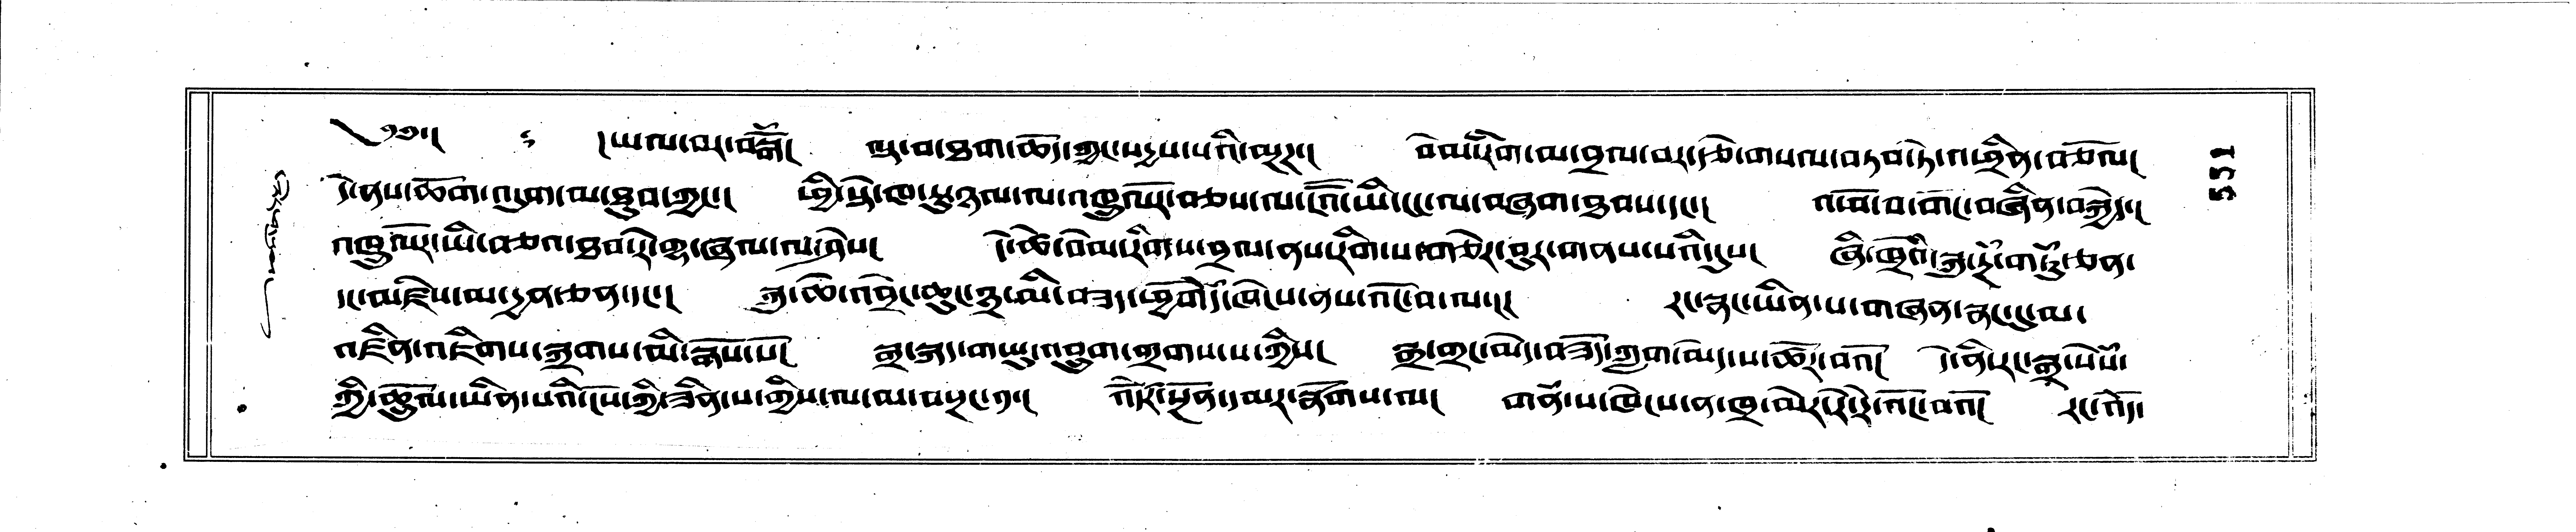ཡལ་བར་སྒོམ། ལྟ་བ་ཐག་མ་ཆོད་ཀྱང་འཕོ་བའི་མན་ངག་གོ། བེམ་རིག་མ་བྲལ་ཚེ་རྩ་རྣམས་གསལ་བཏབ་ཏེ་འཕེན་བཅའ། 
དེ་ནས་ཅོག་འདུག་མ་ཐུབ་ཀྱང་། ཕྱི་དེ་ཁ་རུ་ཉལ་ལ། འཁྲུལ་འཁོར་བཅའ་ལ་ངོའོ་ངང་བཞག་ཐབས་དང་འཕོ་བ་གོང་བཞིན་སྒོམ། 
འཁྲུལ་འཁོར་བཅའ་ཐབས་ངག་ལ་ཤེས་པར་བྱ། དེ་ནས་བེམ་རིག་བྲལ་ནས་རིག་པ་གཅེར་བུར་གནས་པའི་དུས།“ཞི་ཁྲོའི་སྐུ་རྔམ་གཏུམ་ཅན་
དང་མཛེས་མ་རྒྱན་ཅན་དང་། སྐུ་ཆེ་འབྲེང་༼འབྲིང༽ཆུང་གསུམ་མི་བཟད་ཕྱོགས་མེད་ཁེངས་འོང་བ་ལ། རང་སྣང་ཡིན་པ་༼པས༽གཞན་སྣང་དུ་མ་
འཛིན་འཇིགས་སྐྲགས་མི་སྒོས་༼དགོས༽སོ། སྒྲ་སྐད་གཡུ་འབྲུག་གྲགས་པ་ཀྱིས༼ཡིས༽། སྒྲ་གྲངས་མེད་བཟོད་ཀླག་མེད་པ་ཚོར་བའོ། དེ་ནི་རང་སྒྲ་སེམས་
ཀྱི་ཆོ་འཕྲུལ་ཡིན་པས་ངོས་ཀྱི་ཟིན་པ་གྱིས་ལ་མ་བསྔངས་གཅིག འོད་ཟེར་སྔོན་དམར་སྣ་ཚོགས་ལ། གནམ་ས་ཁེངས་ན་ཁྲ་མེར་རེ་རེ་འོང་བའོ། རང་འོད་